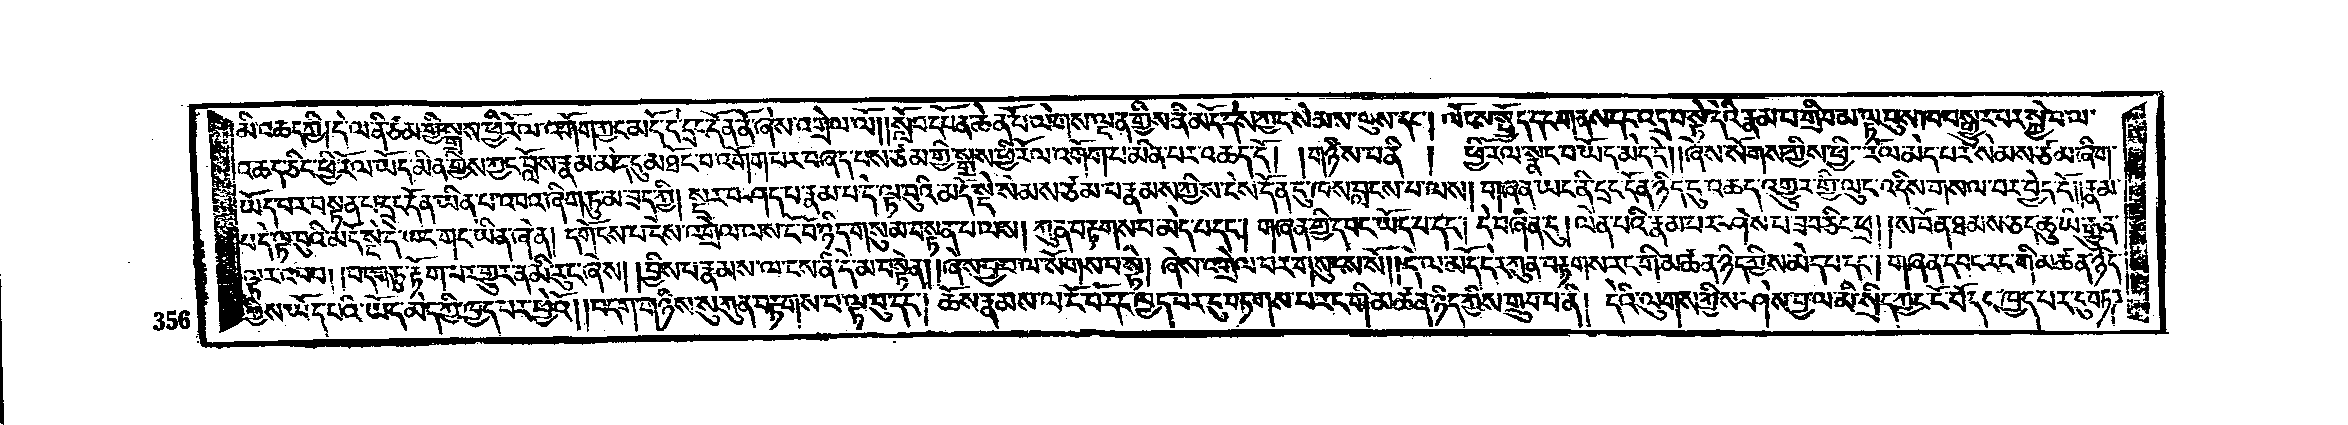མི་འཆད་ཀྱི། དེ་ལ་ནི་ཙམ་གྱི་སྒྲས་ཕྱི་རོལ་འགོག་ཀྱང་མདོ་དེ་དྲང་དོན་ནོ་ཞེས་འགྲེལ་ལོ། །སློབ་དཔོན་ཆེན་པོ་ལེགས་ལྡན་གྱིས་ནི་མདོ་དེས་ཀྱང་སེམས་ལུས་དང་། ལོངས་སྤྱོད་དང་གནས་དང་འདྲ་བ་སྟེ་དེའི་རྣམ་པ་གྲིབ་མ་ལྟ་བུས་ཁ་བསྒྱུར་བར་སྐྱེ་བ་ལ་
འཆད་ཅིང་ཕྱི་རོལ་ཡོད་མིན་གྱིས་ཀྱང་བློས་རྣམ་མེད་དུ་མཐོང་བ་འགོག་པར་བཞེད་པས་ཙམ་གྱི་སྒྲས་ཕྱི་རོལ་འགོག་པ་མིན་པར་འཆད་དོ། །གཉིས་པ་ནི། ཕྱི་རོལ་སྣང་བ་ཡོད་མེད་དེ། །ཞེས་སོགས་ཀྱིས་ཕྱི་རོལ་མེད་པར་སེམས་ཙམ་ཞིག་
ཡོད་པར་བསྟན་པ་དྲང་དོན་ཡིན་པ་འབའ་ཞིག་ཏུ་མ་ཟད་ཀྱི། སྔར་བཤད་པ་རྣམ་པ་དེ་ལྟ་བུའི་མདོ་སྡེ་སེམས་ཙམ་པ་རྣམས་ཀྱིས་ངེས་དོན་དུ་ཁས་བླངས་པ་ལས། གཞན་ཡང་ནི་དྲང་དོན་ཉིད་དུ་འཆད་འགྱུར་གྱི་ལུང་འདིས་གསལ་བར་བྱེད་དོ། །རྣམ་
པ་དེ་ལྟ་བུའི་མདོ་སྡེ་དེ་ཡང་གང་ཡིན་ཞེ་ན། དགོངས་པ་ངེས་འགྲེལ་ལས་ངོ་བོ་ཉིད་གསུམ་བསྟན་པ་ལས། ཀུན་བརྟགས་པ་མེད་པ་དང་། གཞན་གྱི་དབང་ཡོད་པ་དང་། དེ་བཞིན་དུ། ལེན་པའི་རྣམ་པར་ཤེས་པ་ཟབ་ཅིང་ཕྲ། །ས་བོན་ཐམས་ཅད་ཆུ་ཡི་རྒྱུན་
ལྟ་འབབ། །བདག་ཏུ་རྟོག་པར་གྱུར་ན་མི་རུང་ཞེས། །བྱིས་པ་རྣམས་ལ་ངས་ནི་དེ་མ་བསྟན། །ཞེས་བྱ་བ་ལ་སོགས་པ་སྟེ། ཞེས་འགྲེལ་པར་གསུངས་སོ། །དེ་ལ་མདོ་དེར་ཀུན་བརྟགས་རང་གི་མཚན་ཉིད་ཀྱིས་མེད་པ་དང་། གཞན་དབང་རང་གི་མཚན་ཉིད་
ཀྱིས་ཡོད་པའི་ཡོད་མེད་ཀྱི་ཁྱད་པར་ཕྱེའོ། །བདག་གཉིས་སུ་ཀུན་བརྟགས་པ་ལྟ་བུ་དང་། ཆོས་རྣམས་ལ་ངོ་བོ་དང་ཁྱད་པར་དུ་བཏགས་པ་རང་གི་མཚན་ཉིད་ཀྱིས་གྲུབ་པ་ནི། དེའི་ལུགས་ཀྱིས་ཤེས་བྱ་ལ་མི་སྲིད་ཀྱང་ངོ་བོ་དང་ཁྱད་པར་དུ་བཏགས་